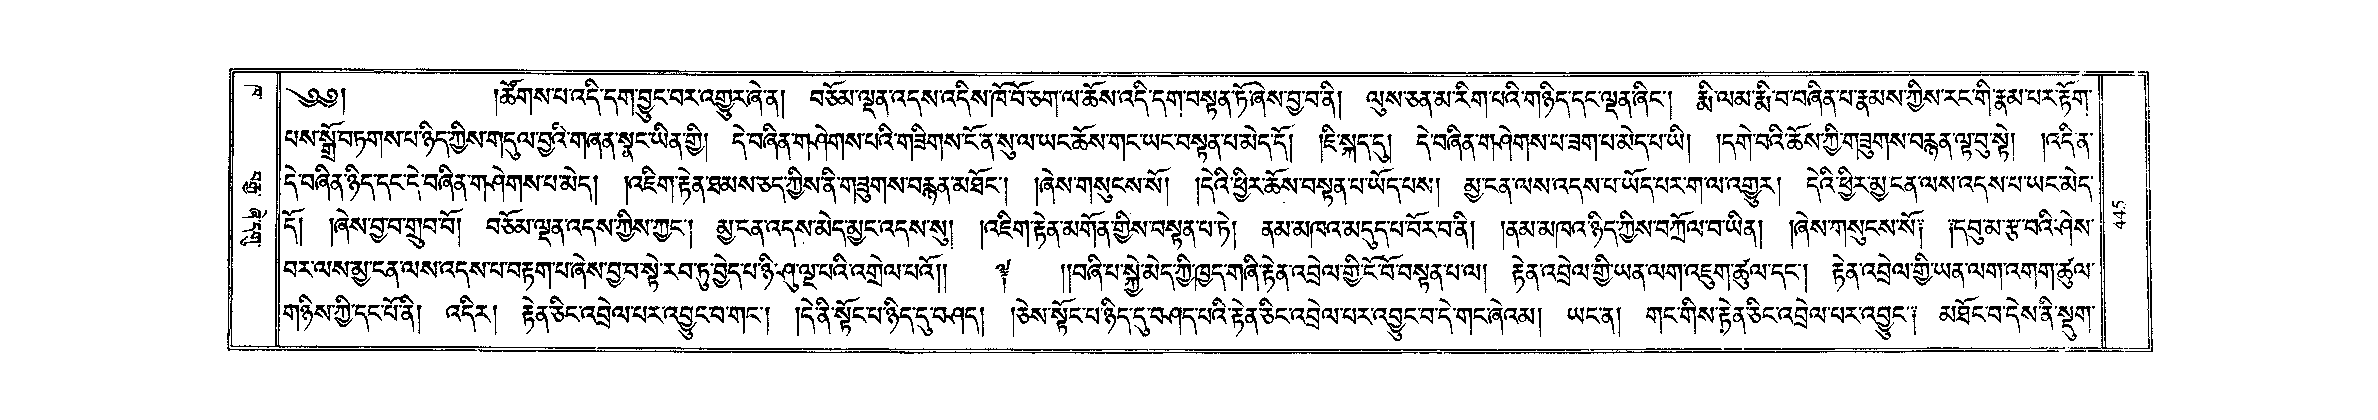༄༅། །ཚོགས་པ་འདི་དག་བྱུང་བར་འགྱུར་ཞེ་ན། བཅོམ་ལྡན་འདས་འདིས་ཁོ་བོ་ཅག་ལ་ཆོས་འདི་དག་བསྟན་ཏོ་ཞེས་བྱ་བ་ནི། ལུས་ཅན་མ་རིག་པའི་གཉིད་དང་ལྡན་ཞིང་། རྨི་ལམ་རྨི་བ་བཞིན་པ་རྣམས་ཀྱིས་རང་གི་རྣམ་པར་རྟོག་
པས་སྒྲོ་བཏགས་པ་ཉིད་ཀྱིས་གདུལ་བྱའི་གཞན་སྣང་ཡིན་གྱི། དེ་བཞིན་གཤེགས་པའི་གཟིགས་ངོ་ན་སུ་ལ་ཡང་ཆོས་གང་ཡང་བསྟན་པ་མེད་དོ། །ཇི་སྐད་དུ། དེ་བཞིན་གཤེགས་པ་ཟག་པ་མེད་པ་ཡི། །དགེ་བའི་ཆོས་ཀྱི་གཟུགས་བརྙན་ལྟ་བུ་སྟེ། །འདི་ན་
དེ་བཞིན་ཉིད་དང་དེ་བཞིན་གཤེགས་པ་མེད། །འཇིག་རྟེན་ཐམས་ཅད་ཀྱིས་ནི་གཟུགས་བརྙན་མཐོང་། །ཞེས་གསུངས་སོ། །དེའི་ཕྱིར་ཆོས་བསྟན་པ་ཡོད་པས། མྱ་ངན་ལས་འདས་པ་ཡོད་པར་ག་ལ་འགྱུར། དེའི་ཕྱིར་མྱ་ངན་ལས་འདས་པ་ཡང་མེད་
དོ། །ཞེས་བྱ་བ་གྲུབ་བོ། བཅོམ་ལྡན་འདས་ཀྱིས་ཀྱང་། མྱ་ངན་འདས་མེད་མྱང་འདས་སུ། །འཇིག་རྟེན་མགོན་གྱིས་བསྟན་པ་ཏེ། ནམ་མཁའ་མདུད་པ་བོར་བ་ནི། །ནམ་མཁའ་ཉིད་ཀྱིས་བཀྲོལ་བ་ཡིན། །ཞེས་གསུངས་སོ། །དབུ་མ་རྩ་བའི་ཤེས་
བར་ལས་མྱ་ངན་ལས་འདས་པ་བརྟག་པ་ཞེས་བྱ་བ་སྟེ་རབ་ཏུ་བྱེད་པ་ཉི་ཤུ་ལྔ་པའི་འགྲེལ་པའོ།། ༈ །།བཞི་པ་སྐྱེ་མེད་ཀྱི་ཁྱད་གཞི་རྟེན་འབྲེལ་གྱི་ངོ་བོ་བསྟན་པ་ལ། རྟེན་འབྲེལ་གྱི་ཡན་ལག་འཇུག་ཚུལ་དང་། རྟེན་འབྲེལ་གྱི་ཡན་ལག་འགག་ཚུལ་
གཉིས་ཀྱི་དང་པོ་ནི། འདིར། རྟེན་ཅིང་འབྲེལ་པར་འབྱུང་བ་གང་། །དེ་ནི་སྟོང་པ་ཉིད་དུ་བཤད། །ཅེས་སྟོང་པ་ཉིད་དུ་བཤད་པའི་རྟེན་ཅིང་འབྲེལ་བར་འབྱུང་བ་དེ་གང་ཞེའམ། ཡང་ན། གང་གིས་རྟེན་ཅིང་འབྲེལ་པར་འབྱུང་། མཐོང་བ་དེས་ནི་སྡུག་